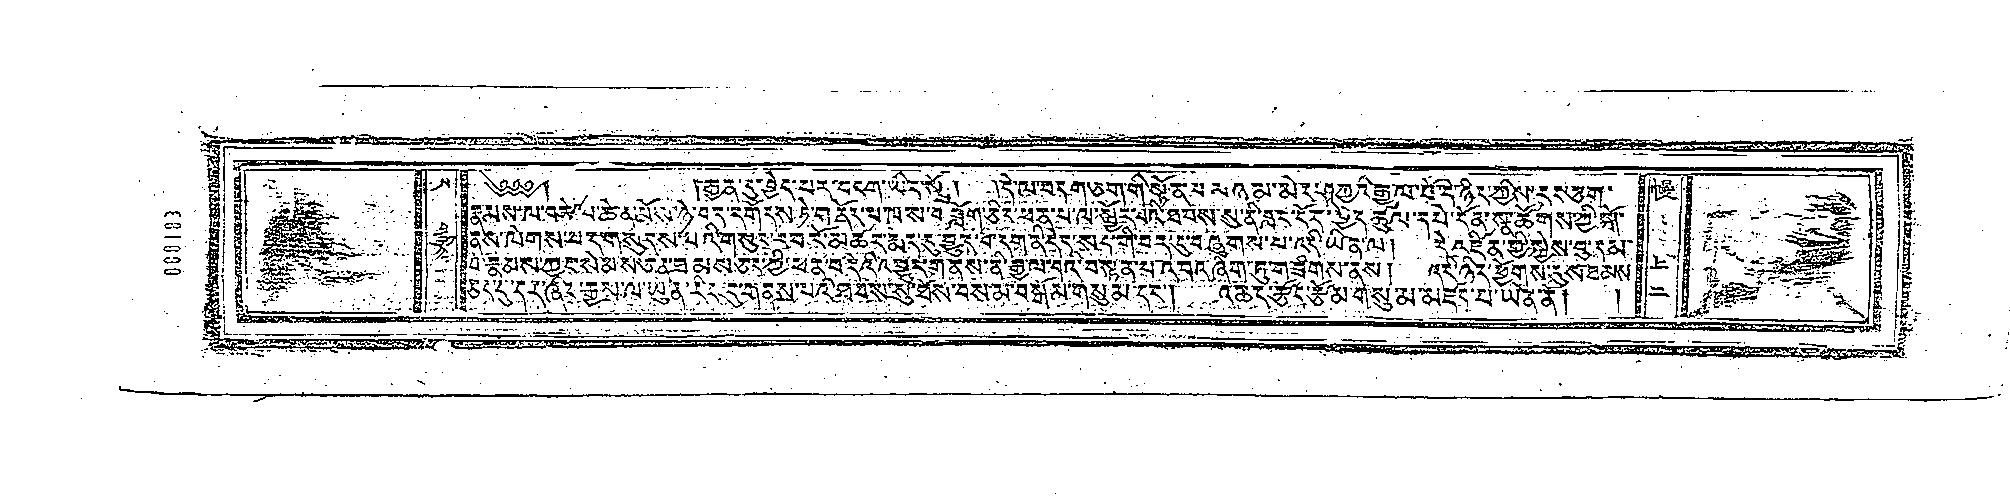༄༅༅། །རྒྱན་དུ་བྱེད་པར་བདག་ཡིད་སྤྲོ། །དེ་ལ་བདག་ཅག་གི་སྟོན་པ་མཉམ་མེད་ཤཱཀྱའི་རྒྱལ་པོ་དེ་ཉིད་ཀྱིས་རང་ཅག་
རྣམས་ལ་བརྩེ་བ་ཆེན་མོས་ཉེ་བར་དགོངས་ཏེ་གནོད་པ་ལས་བཟློག་ཅིང་ཕན་པ་ལ་སྦྱོར་བའི་ཐབས་སུ་ནི་བླང་དོར་བྱེད་ཚུལ་དཔེ་དོན་སྣ་ཚོགས་ཀྱི་སྒོ་
ནས་ལེགས་པར་གསུངས་པའི་གསུང་རབ་ངོ་མཚར་རྨད་དུ་བྱུང་བ་དག་ནི་དེང་སང་གི་བར་དུ་བཞུགས་པ་འདི་ཡིན་ལ། དེ་འཛིན་གྱི་སྐྱེས་བུ་དམ་
བ་རྣམས་ཀྱང་སེམས་ཅན་ཐམས་ཅད་ཀྱི་ཕན་བདེའི་འབྱུང་གནས་ནི་རྒྱལ་བའི་བསྟན་པ་འབའ་ཞིག་ཏུ་གཟིགས་ནས། འདི་ཉིད་ཕྱོགས་དུས་ཐམས་
ཅད་དུ་དར་ཞིང་རྒྱས་ལ་ཡུན་རིང་དུ་གནས་པའི་ཐབས་སུ་ཐོས་བསམ་བསྒོམ་གསུམ་དང་། འཆང་རྩོད་རྩོམ་གསུམ་མཛད་པ་ཡིན་ནོ། །